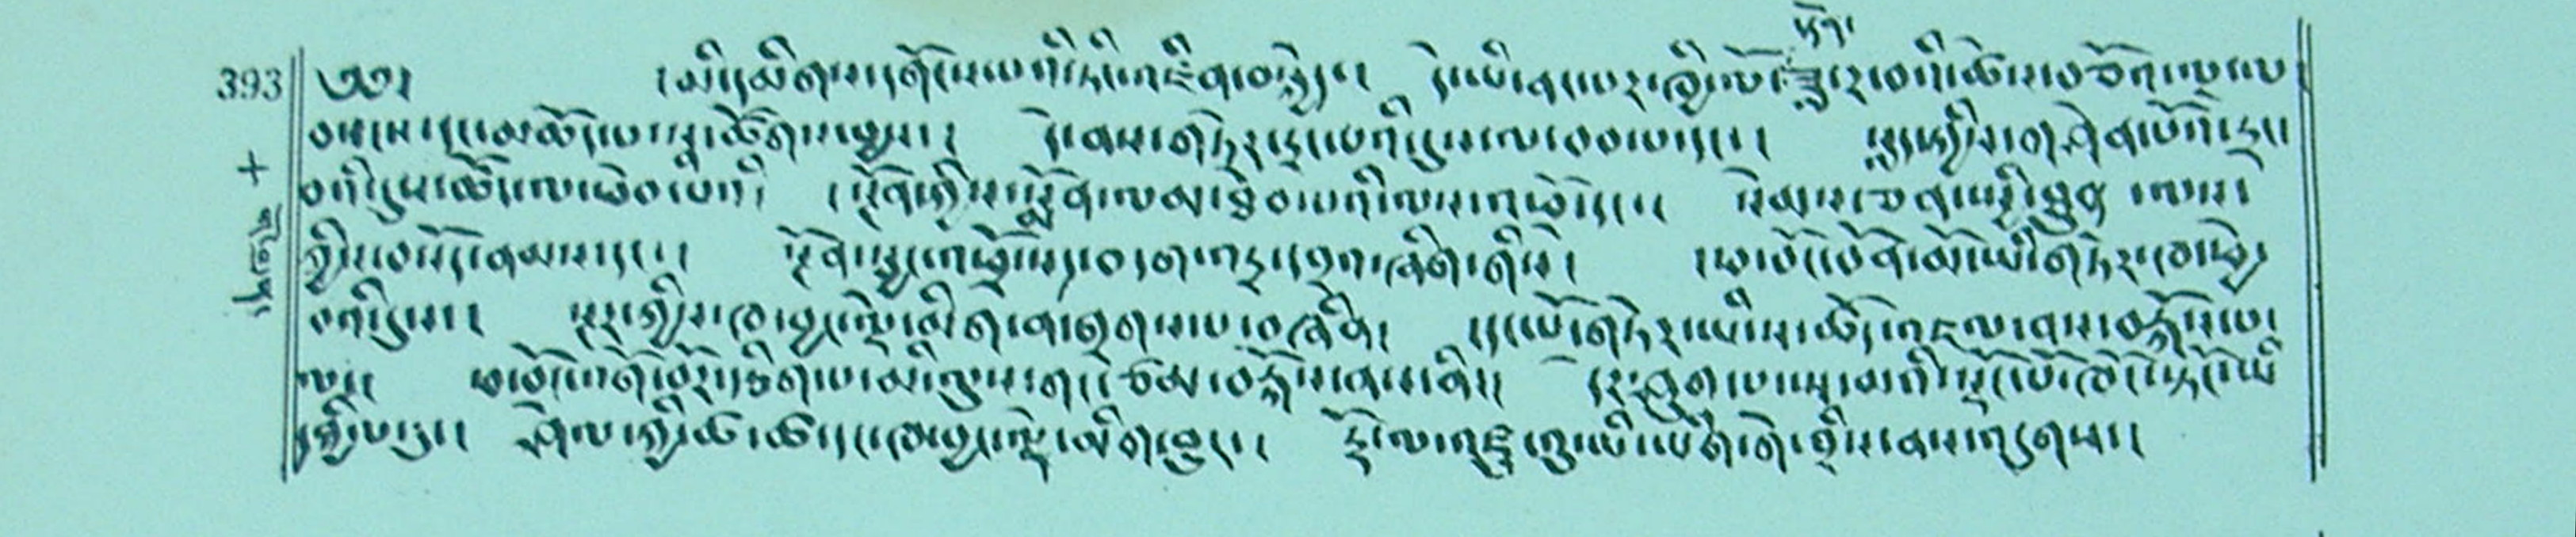༄༅། །མི་དམིགས་དགོངས་པའི་ཏིང་འཛིན་བསྐྱེད། དེ་ཡི་ནང་པར་ཁྱི་ལོ་སྟོན་ཟླ་ར་བའི་ཚེས་བཅོ་ལྔ་ལ་
བསང་དང་མཆོད་པ་སྣ་ཚོགས་བྱས། དེ་ནས་གཏེར་དྲངས་པའི་དུས་ལ་བབ་པ་དང་། སླད་ཀྱི་གཤེན་པོས་དྲང་
བའི་དུས་ཚོད་ལ་ཕེབ་པའི། སྔོན་གྱི་སྨོན་ལམ་ཐེབས་པའི་ལས་འཕྲོ་དང་། སེམས་ཅན་སྤྱི་མཐུན་ལས་
ཀྱི་བསོད་ནམས་དང་། སྔོན་སྦྱངས་འཕྲོ་སད་བདག་འདྲ་དབྲ་ཞིག་གིས། ཕ་བོང་བོན་མོ་ཡི་གཏེར་ཁ་ཕྱེ་
བའི་དུས། སྔར་གྱི་ཁ་བྱང་ལྡེ་མིག་ན་གྲགས་པ་བཞིན། དང་པོ་གཏེར་གྱི་ས་ཚོད་འཇལ་ནས་བརྐོས་པ་
ལ། ཕ་བོང་འགོ་བོར་བརྩིགས་པ་མི་ལུས་གང་ཙམ་བརྐོས་ནས་ནི། དེར་ཤུག་པ་སྤ་མའི་སྡོང་བོ་ཁོང་སྟོང་གི་
དཀྱིལ་དུ། ཤེལ་གྱི་ཚ་ཚ་དང་ཁ་བྱང་ལྡེ་མིག་བྱུང་། རྡོ་ལ་མཛུབ་འུ་ཡི་ཡི་གེ་བྲིས་ནས་འདུགས།